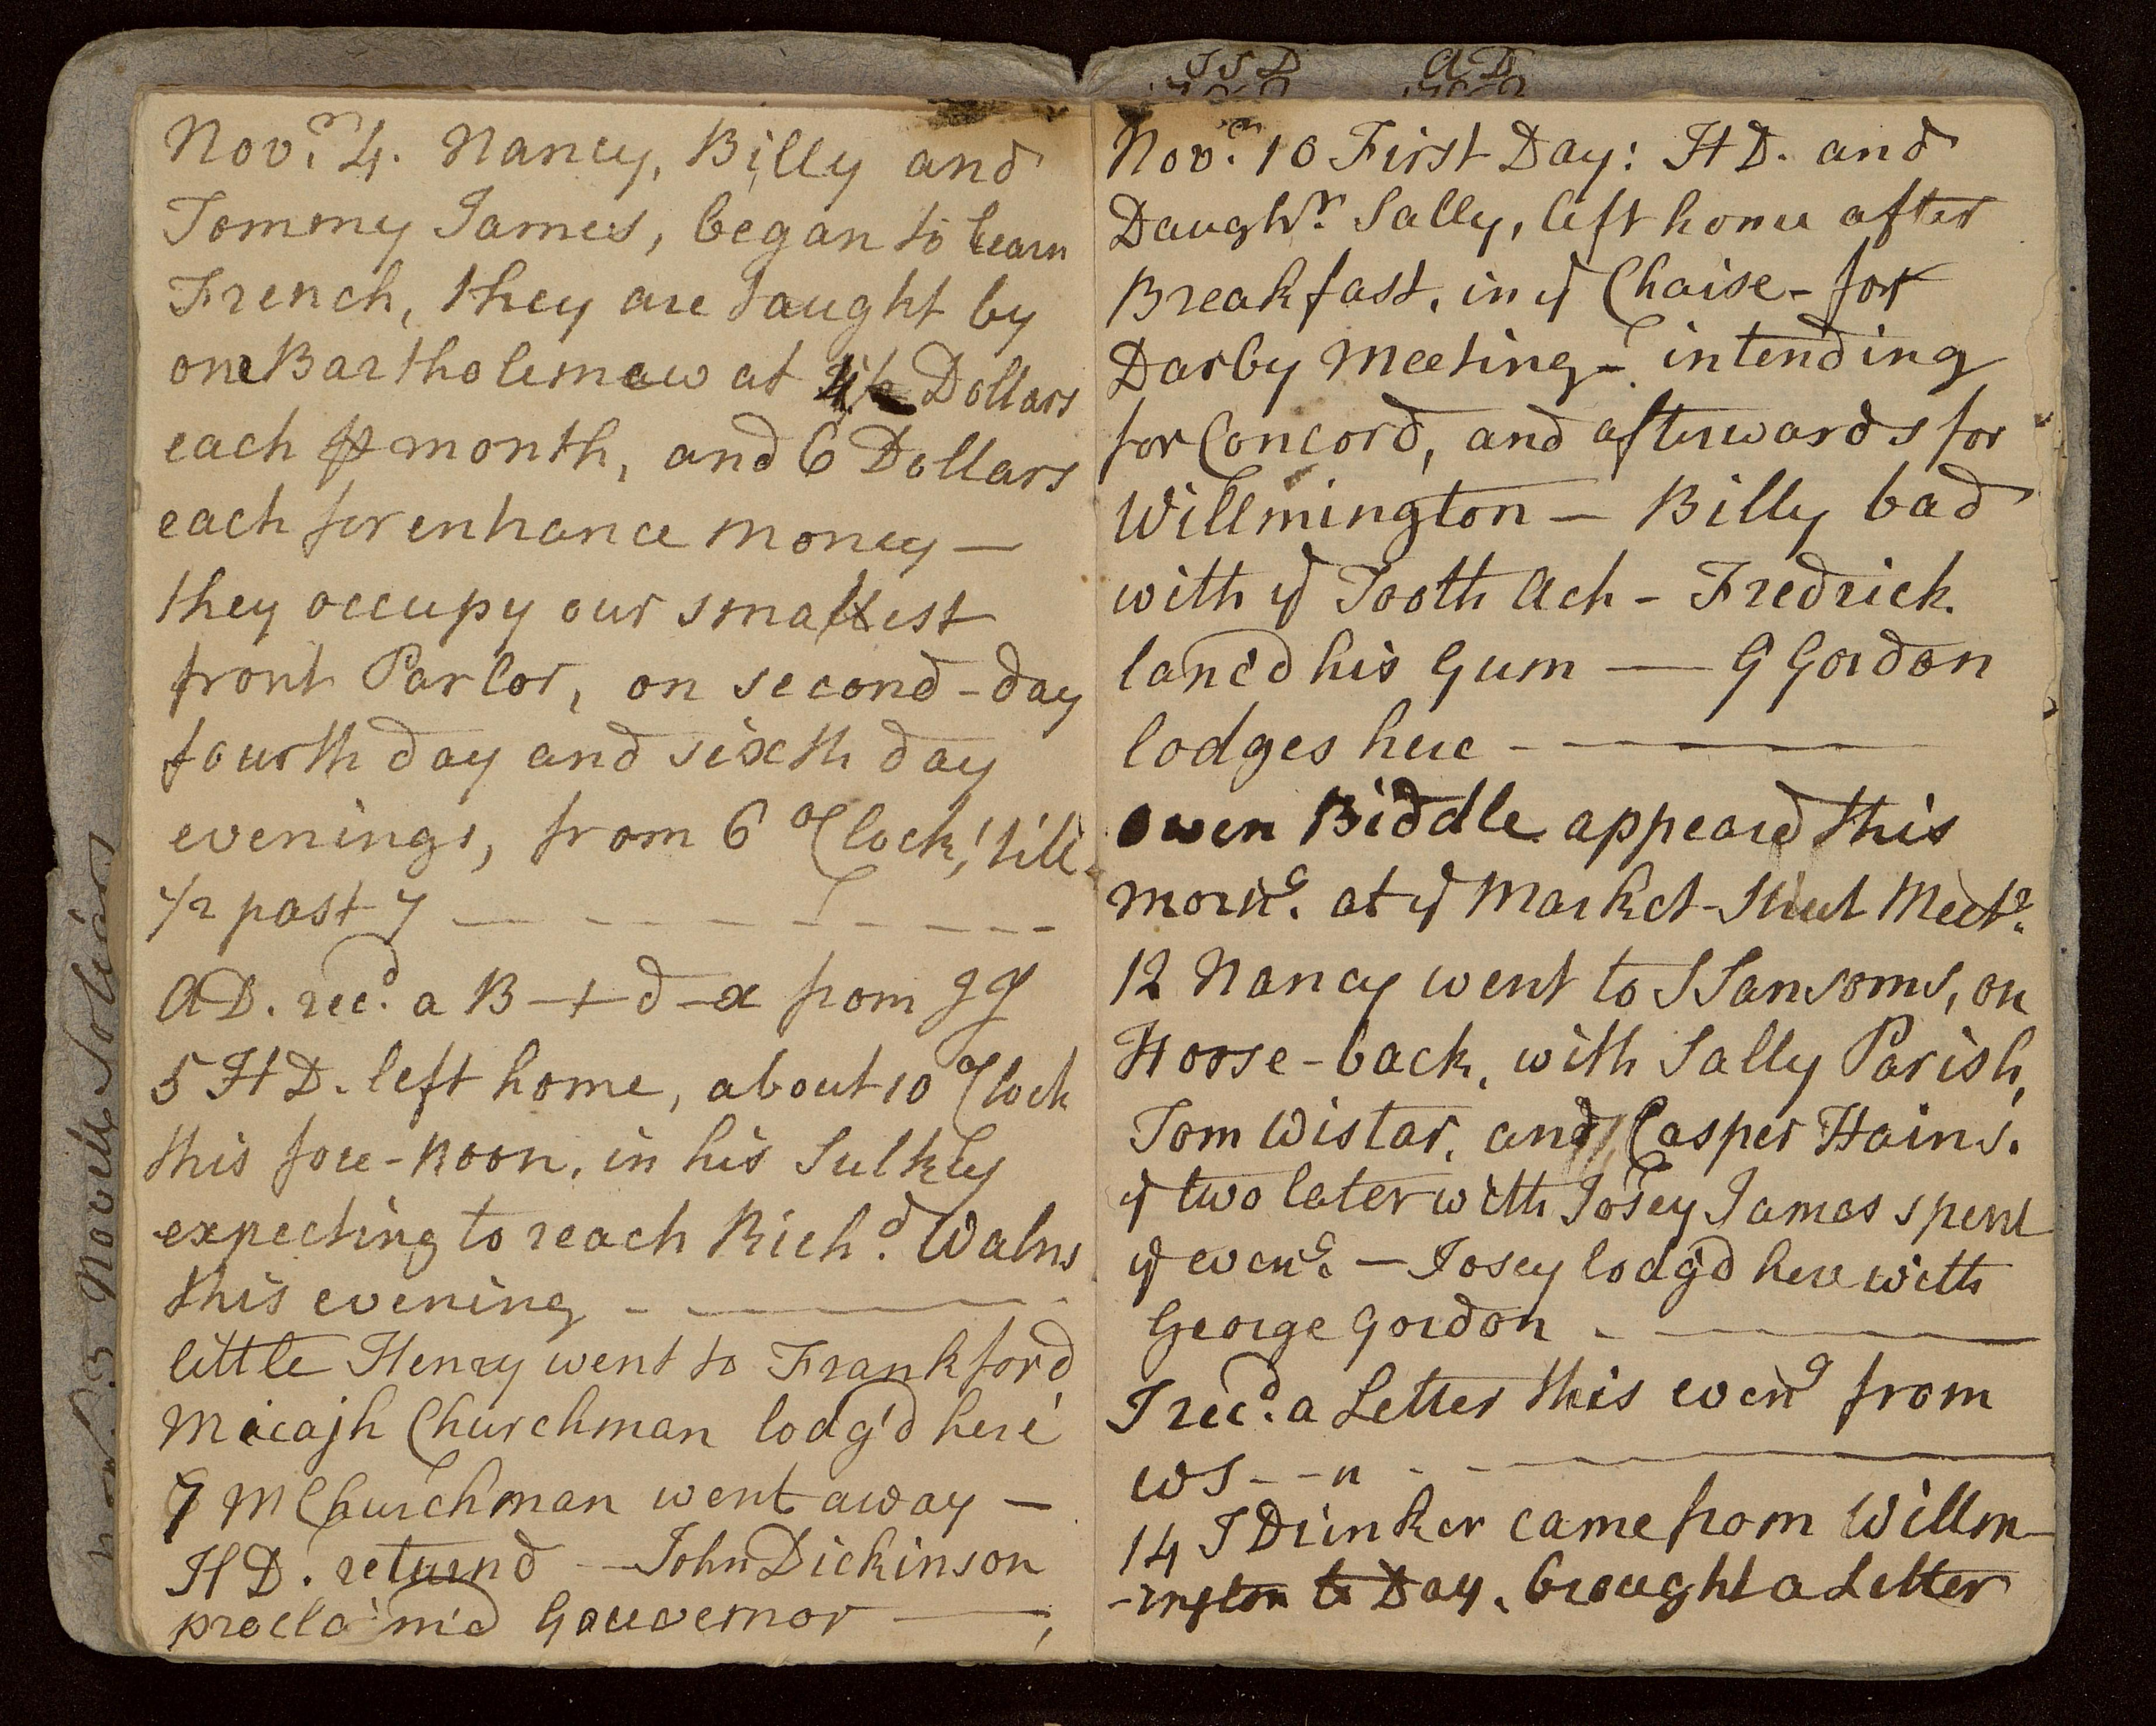Nov^r, 4. Nancy, Billy and
Tommy James, began to learn
French, they are taught by
one Bartholemew at 4 1/2 Dollars
each [per] month, and 6 Dollars
each for entrance money-
they occupy our smallest
front Parlor, on second- day
fourth day and sixth day
evenings, from 6^o Clock 'till
1/2 past 7-
AD. rec^d. a B--d-a from JJ
5 HD- left home, about 10 ^o Clock
this fore-noon, in his Sulkey
expecting to reach Rich^d. Walns
this evening- -
little Henry went to Faankford
Micajh Churchman lodg'd here
7 M Churchman went away-
HD. returnd-- John Dickinson
proclaim'd Gouvernor
Nov^r. 10 First Day: HD. and
Daugh^r. Sally, lift home after
Breakfast, in y^e Chaise- for
Darby meeting,- intending
for Concord, and afterwards for
Willmington- Billy bad
with y^e Tooth ach- Fredrick
lanc'd his Gum- G Gordon
lodges here-
Owen Biddle appeard this
morn^g. at y^e Market Street Meet^g.
12 Nancy went to S Sansoms, on
Horse- back, with Sally Parish
Tom Wistar, ands Casper Hains.
y^e two later with Josey James spent
y^e even^g- Josey lodg'd here with
George Gordon-
I rec^d. a Letter this even^g from
W S-- n
14 J Drinker came from Willm
-ington to Day, brought a Letter